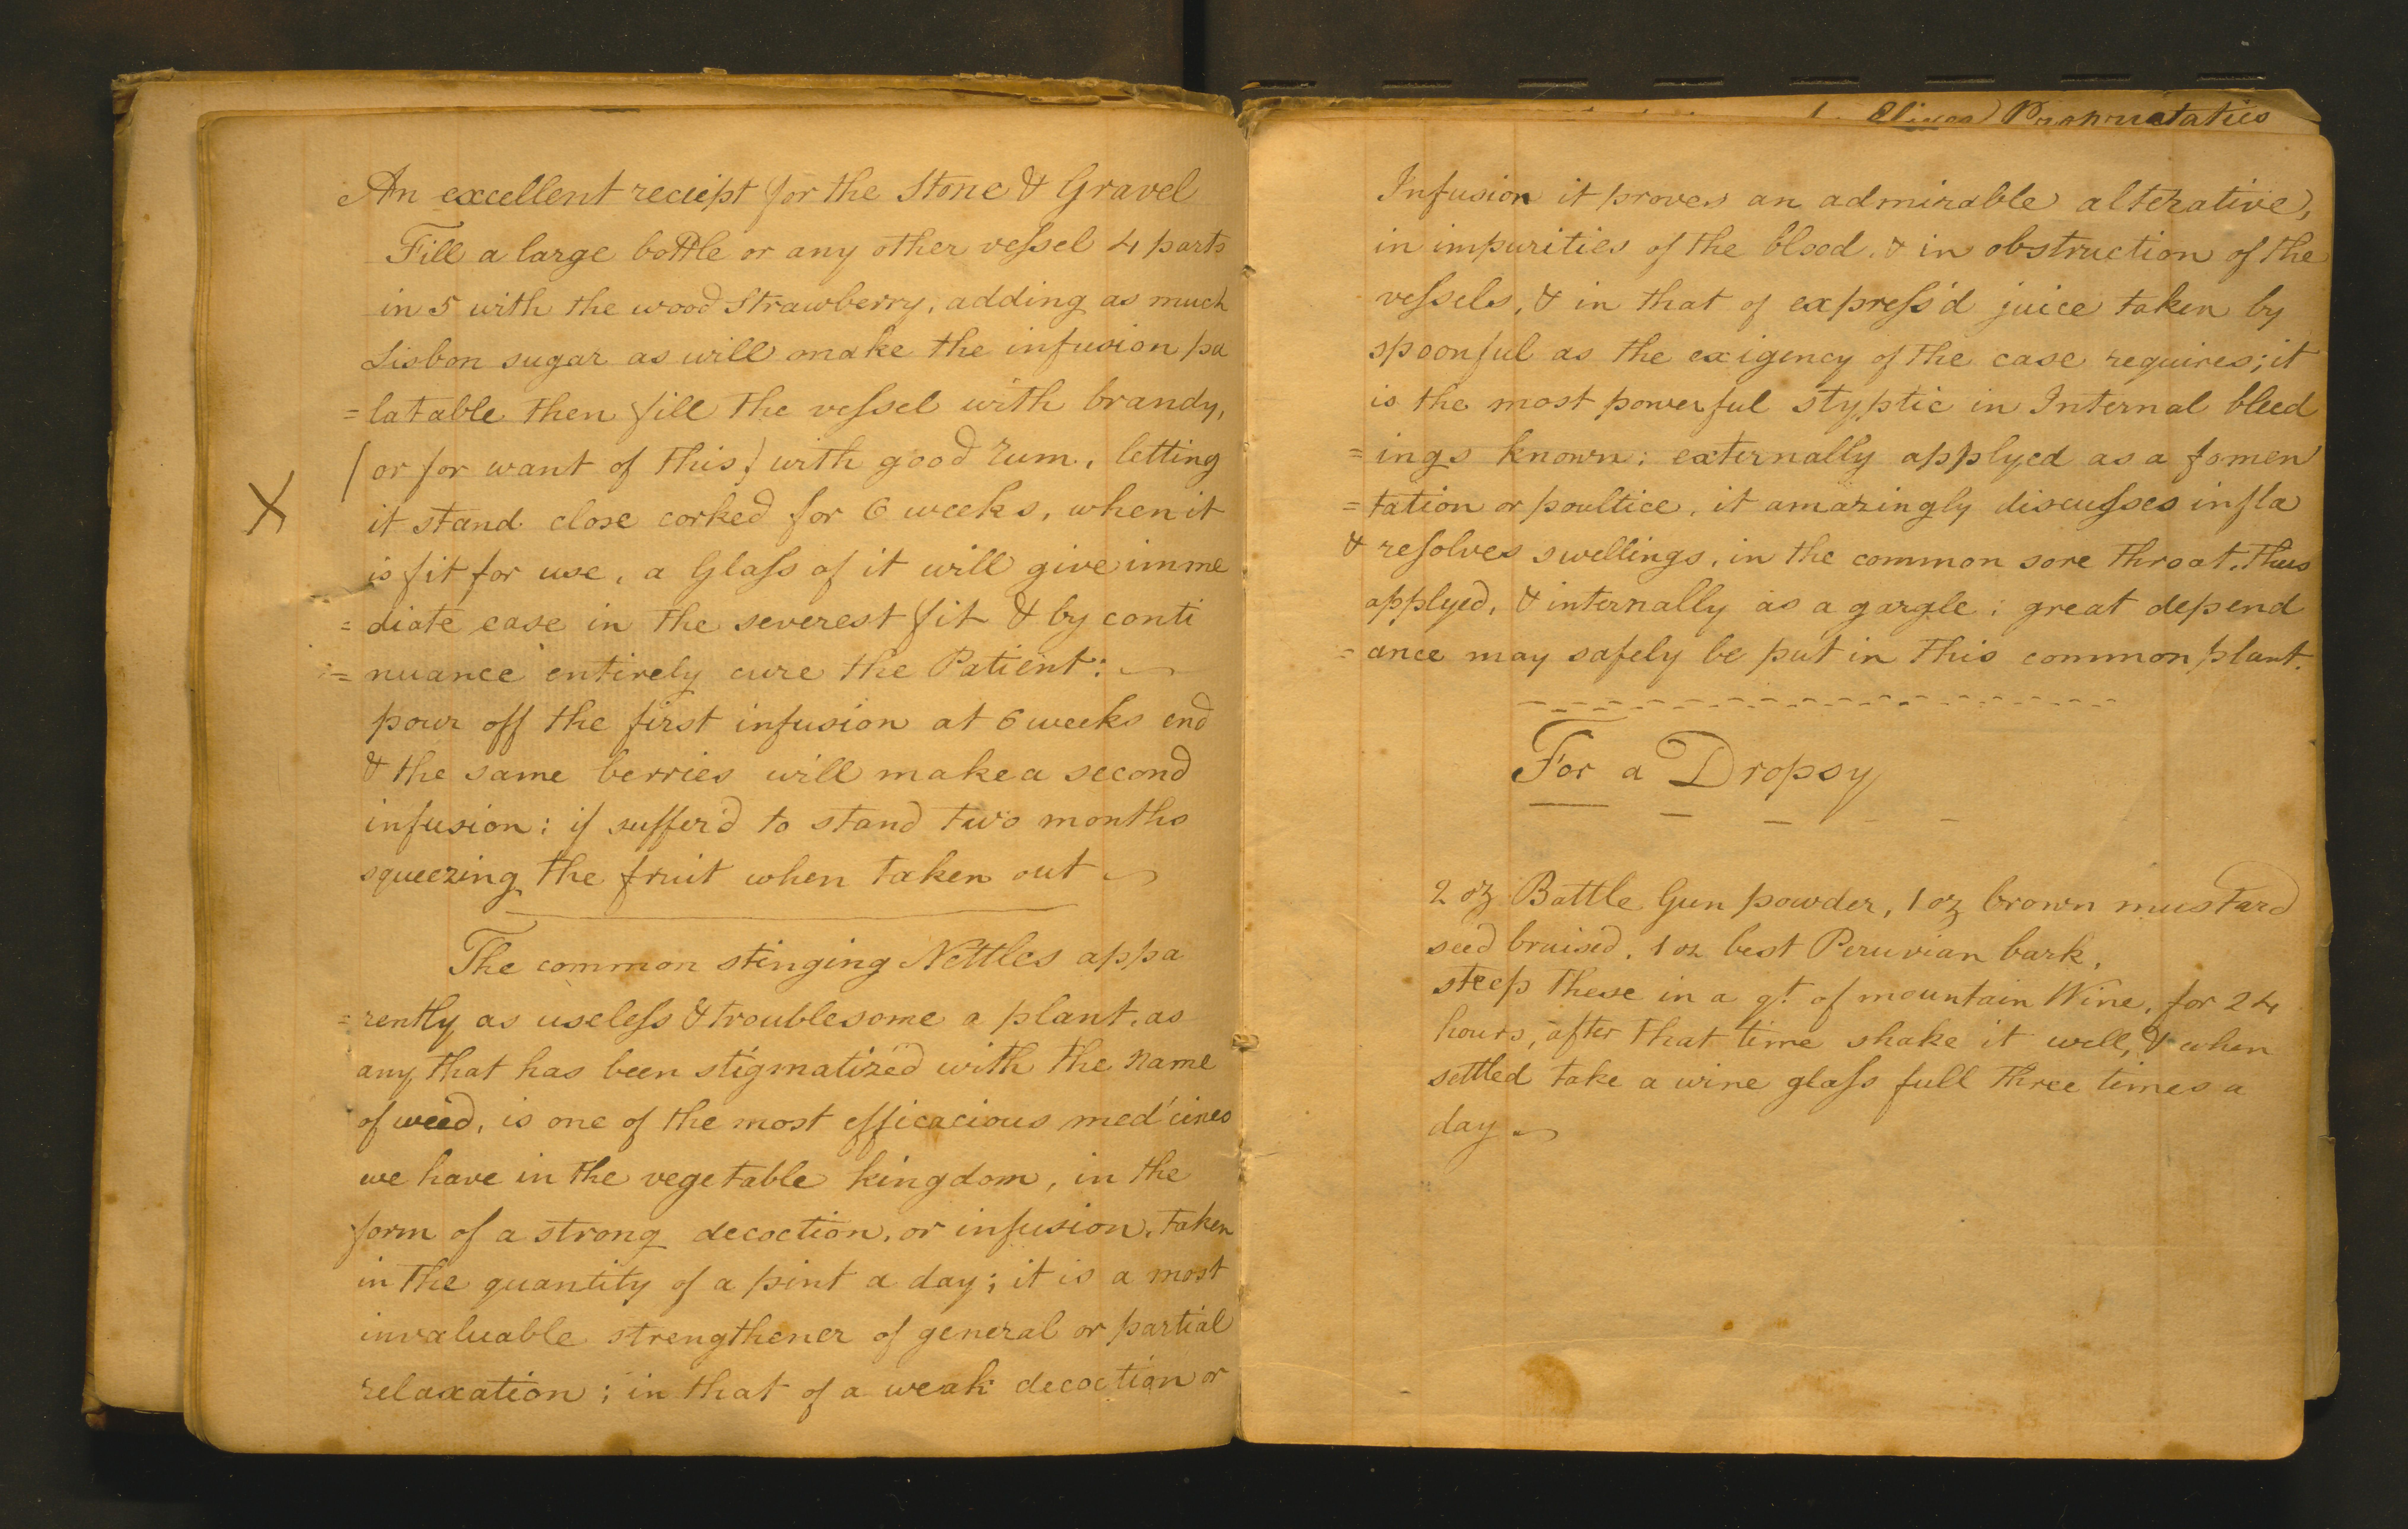An excellent receipt for the Stone & Gravel
Fill a large bottle or any other vessel 4 parts
in 5 with the wood Strawberry, adding as much
Lisbon sugar as will make the infusion pa
-latable then fill the vessel with brandy,
(or for want of this) with good rum, letting
it stand close corked for 6 weeks, when it
is fit for use, a Glass of it will give imme
-diate ease in the severest fit & by conti
-nuance entirely cure the Patient:-
pour off the first infusion at 6 weeks end
& the same berries will make a second
infusion: if suffer'd to stand two months
squeezing the fruit when taken out-
The common stinging Nettles appa
-rently as useless & troublesome a plant, as
any that has been stigmatized with the name
of weed, is one of the most efficacious med'cines
we have in the vegetable kingdom, in the
form of a strong decoction, or infusion, taken
in the quantity of a pint a day; it is a most
invaluable strengthener of general or partial
relaxation; in that of a weak decoction or
Infusion it proves an admirable alternative,
in impurities of the blood, & in obstructions of the
vessels, & in that of express'd juice taken by
spoonful as the exigency of the case requires; it
is the most powerful styptic in Internal bleed
-ings known; externally applyed as a formen
-tation or poultice, it amazingly discusses infla
& resolves swellings, in the common sort throat thus
applyed, & internally as a gargle; great depend
-ance may safely be put in this common plant.
For a Dropsy
2 oz Battle Gun powder, 1 oz brown mustard
seed bruised, 1 oz best Peruvian bark,
steep these in a q^t. of mountain Wine, for 24
hours, after that time shake it well, & when
settled take a wine glass full three times a
day-